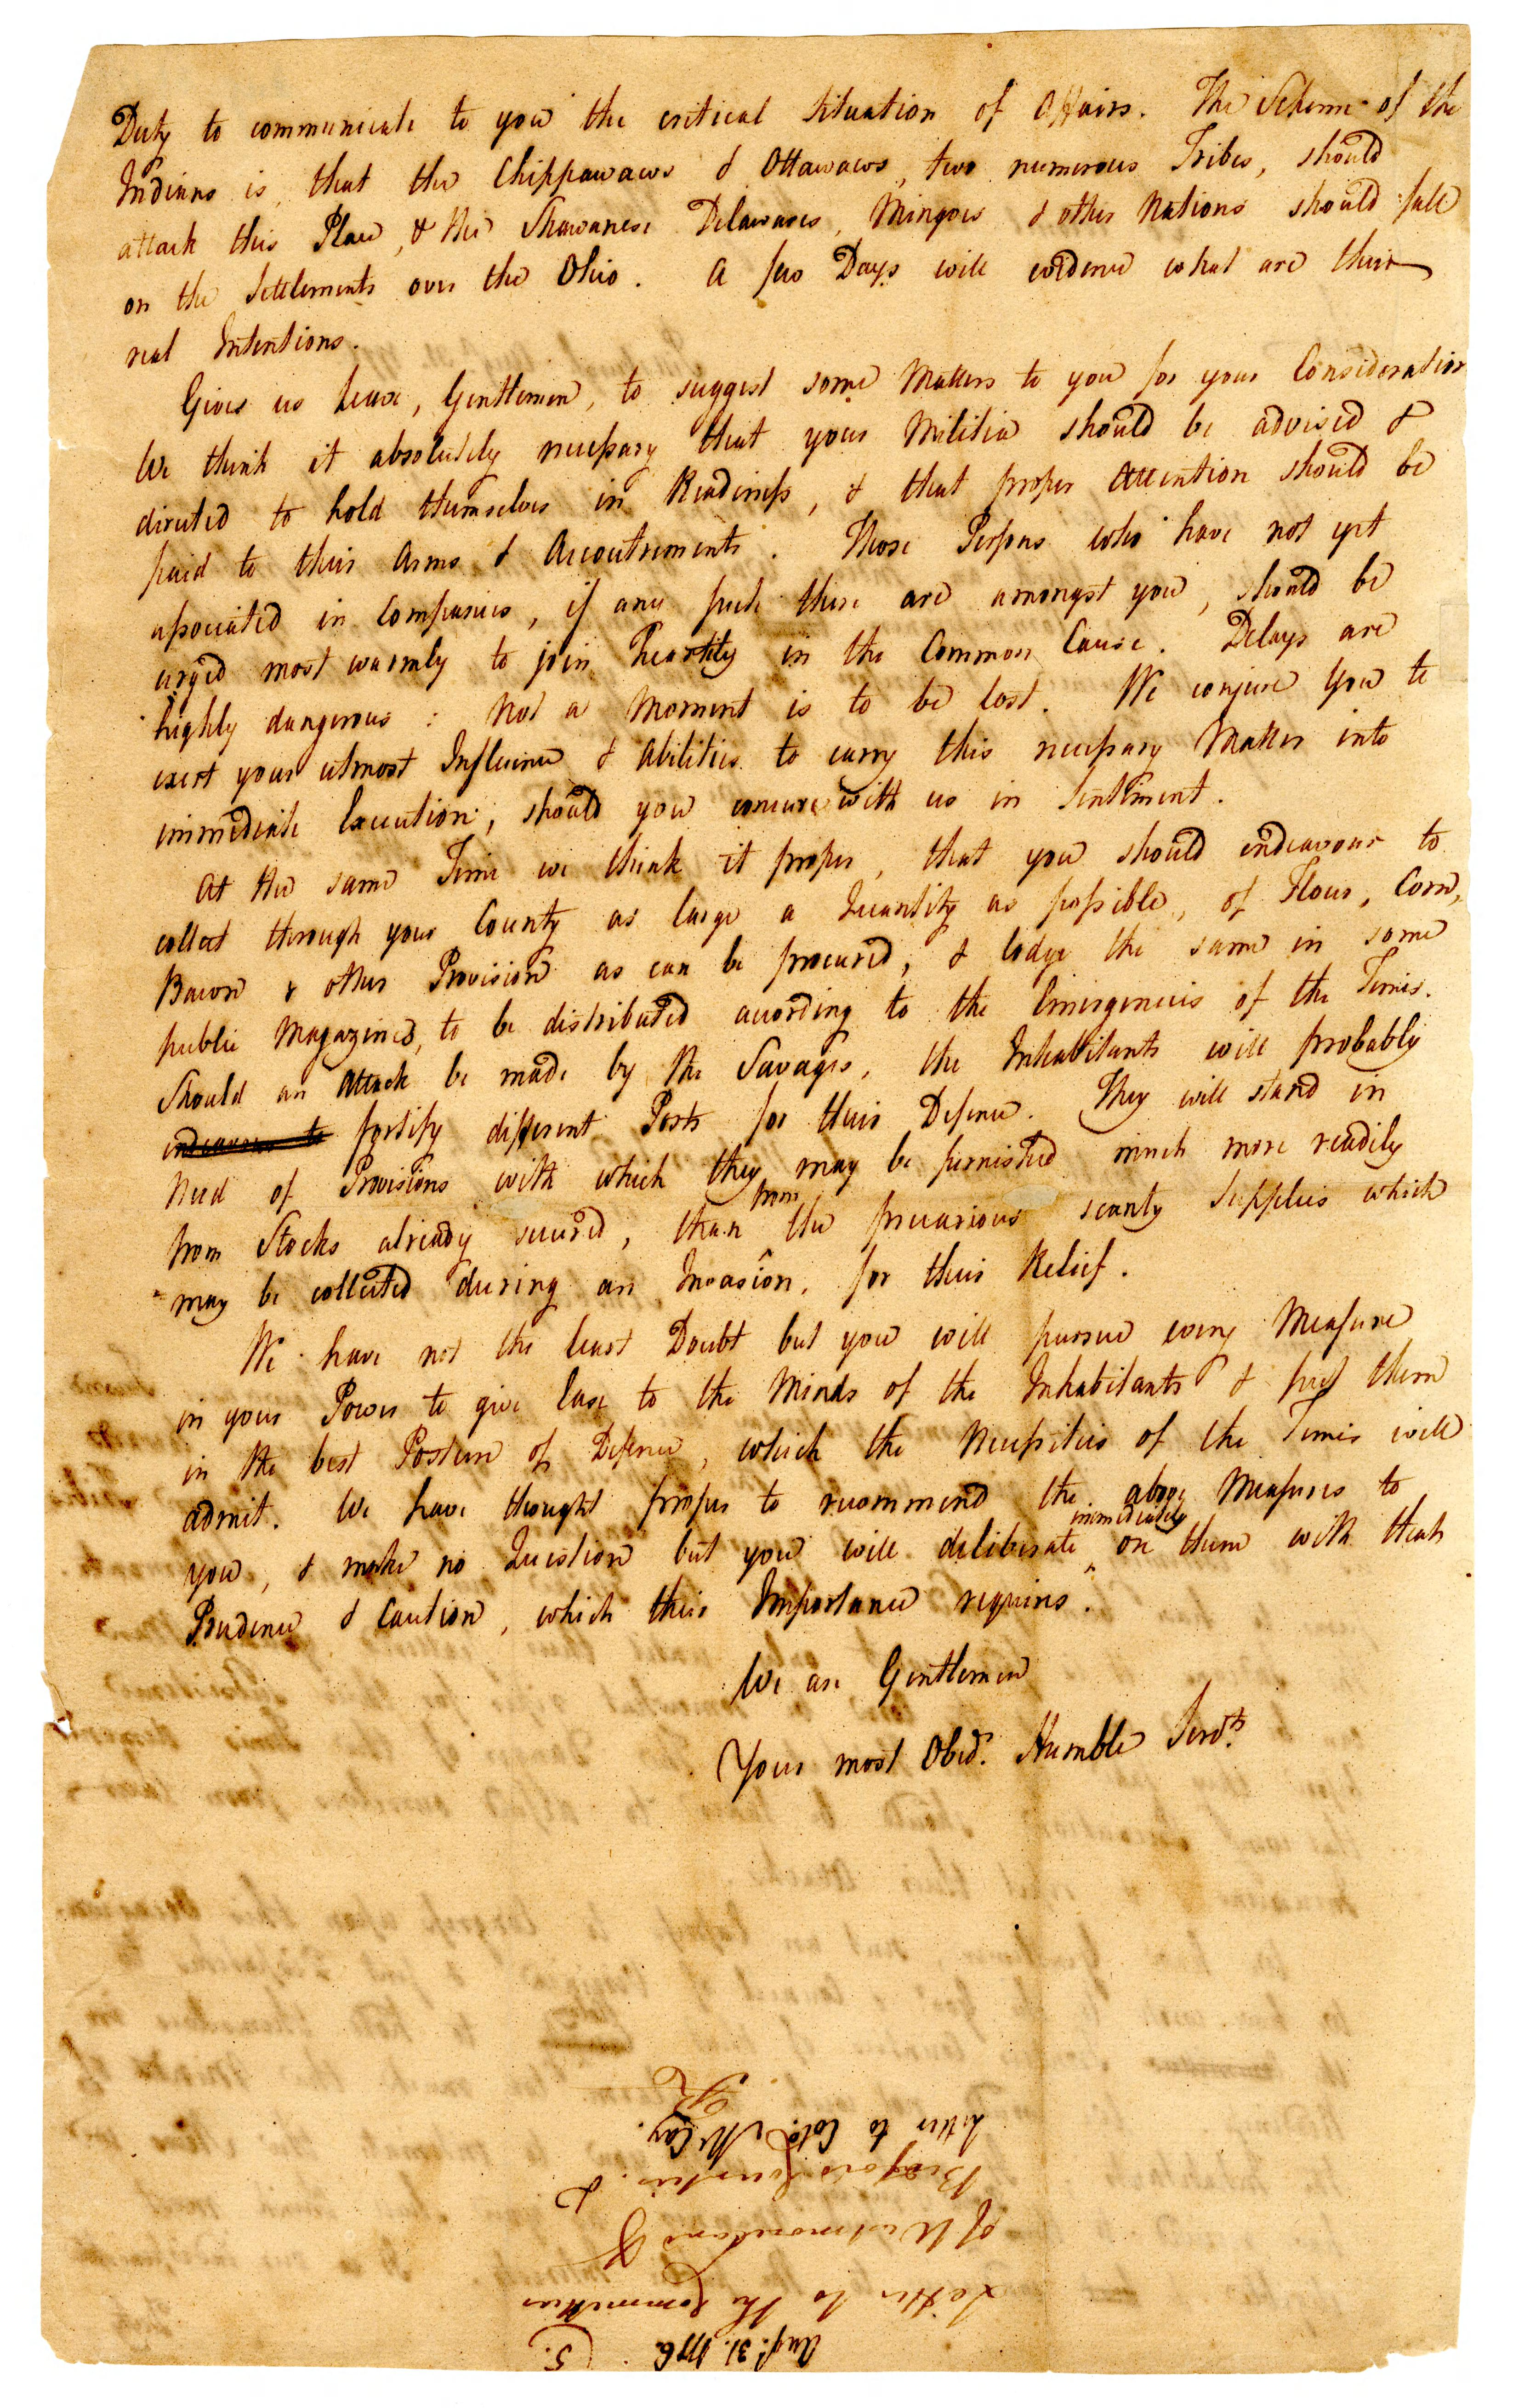Duty to communicate to you the critical Situation of Affairs. The Scheme of the
Indians is that the Chippawaws & Ottawaws, two numerous Tribes, should
attack this Place, & the Shawaneses, Delawares, Mingoes & other Nations should fall
on the Settlements over the Ohio. A few Days will evidence what are their
real Intentions.
Give us Leave, Gentlemen, to suggest some Matters to you for your Consideration
We think it absolutely necessary that your Militia should be advised &
directed to hold themselves in Readiness, & that proper attention should be
paid to their Arms & Accoutrements. Those Persons who have not yet
associated in Companies, if any such then are amongst you, should be
urged most warmly to join heartily in the Common Cause. Delays are
highly dangerous: Not a moment is to be lost. We conjure you to
exert your utmost Influence & Abilities to carry this necessary Matter into
immediate Execution, should you concure with us in Sentiment.
At the same Time we think it proper, that you should endeavour to
collect through your County as large a Quantity as possible, of Flour, Corn
Bacon & other Provision as can be procured, & lodge the same in some
public Magazines, to be distributed according to the Emergencies of the Times.
Should an attack be made by the Savages, the Inhabitants will probably
[indeavour to] fortify different Posts for their Defence. They will stand in
Need of Provisions with which they may be furnished much more readily
from
from Stocks already secured, than ^ the precarious scanty Supplies which
may be collected during an Invasion for this Relief.
We have not this least Doubt but you will pursue every Measure
in your Power to give last to the Minds of the Inhabitants & put them
in the best Position of Defence, which the Necessities of the Times will
admit. We have thought proper to recommend the above Measures to
immediately
you, & make no Question but you will deliberate ^ on them with that
Prudence & Caution, which this Importance requires.
We are Gentlemen
Your most Obed^t. Humble Serv^t.
Aug^t. 31. 1776.
Letter to the Committees
of Westmoreland &
Bedford Counties. &
Letter to Col^o. M^cCay.
R